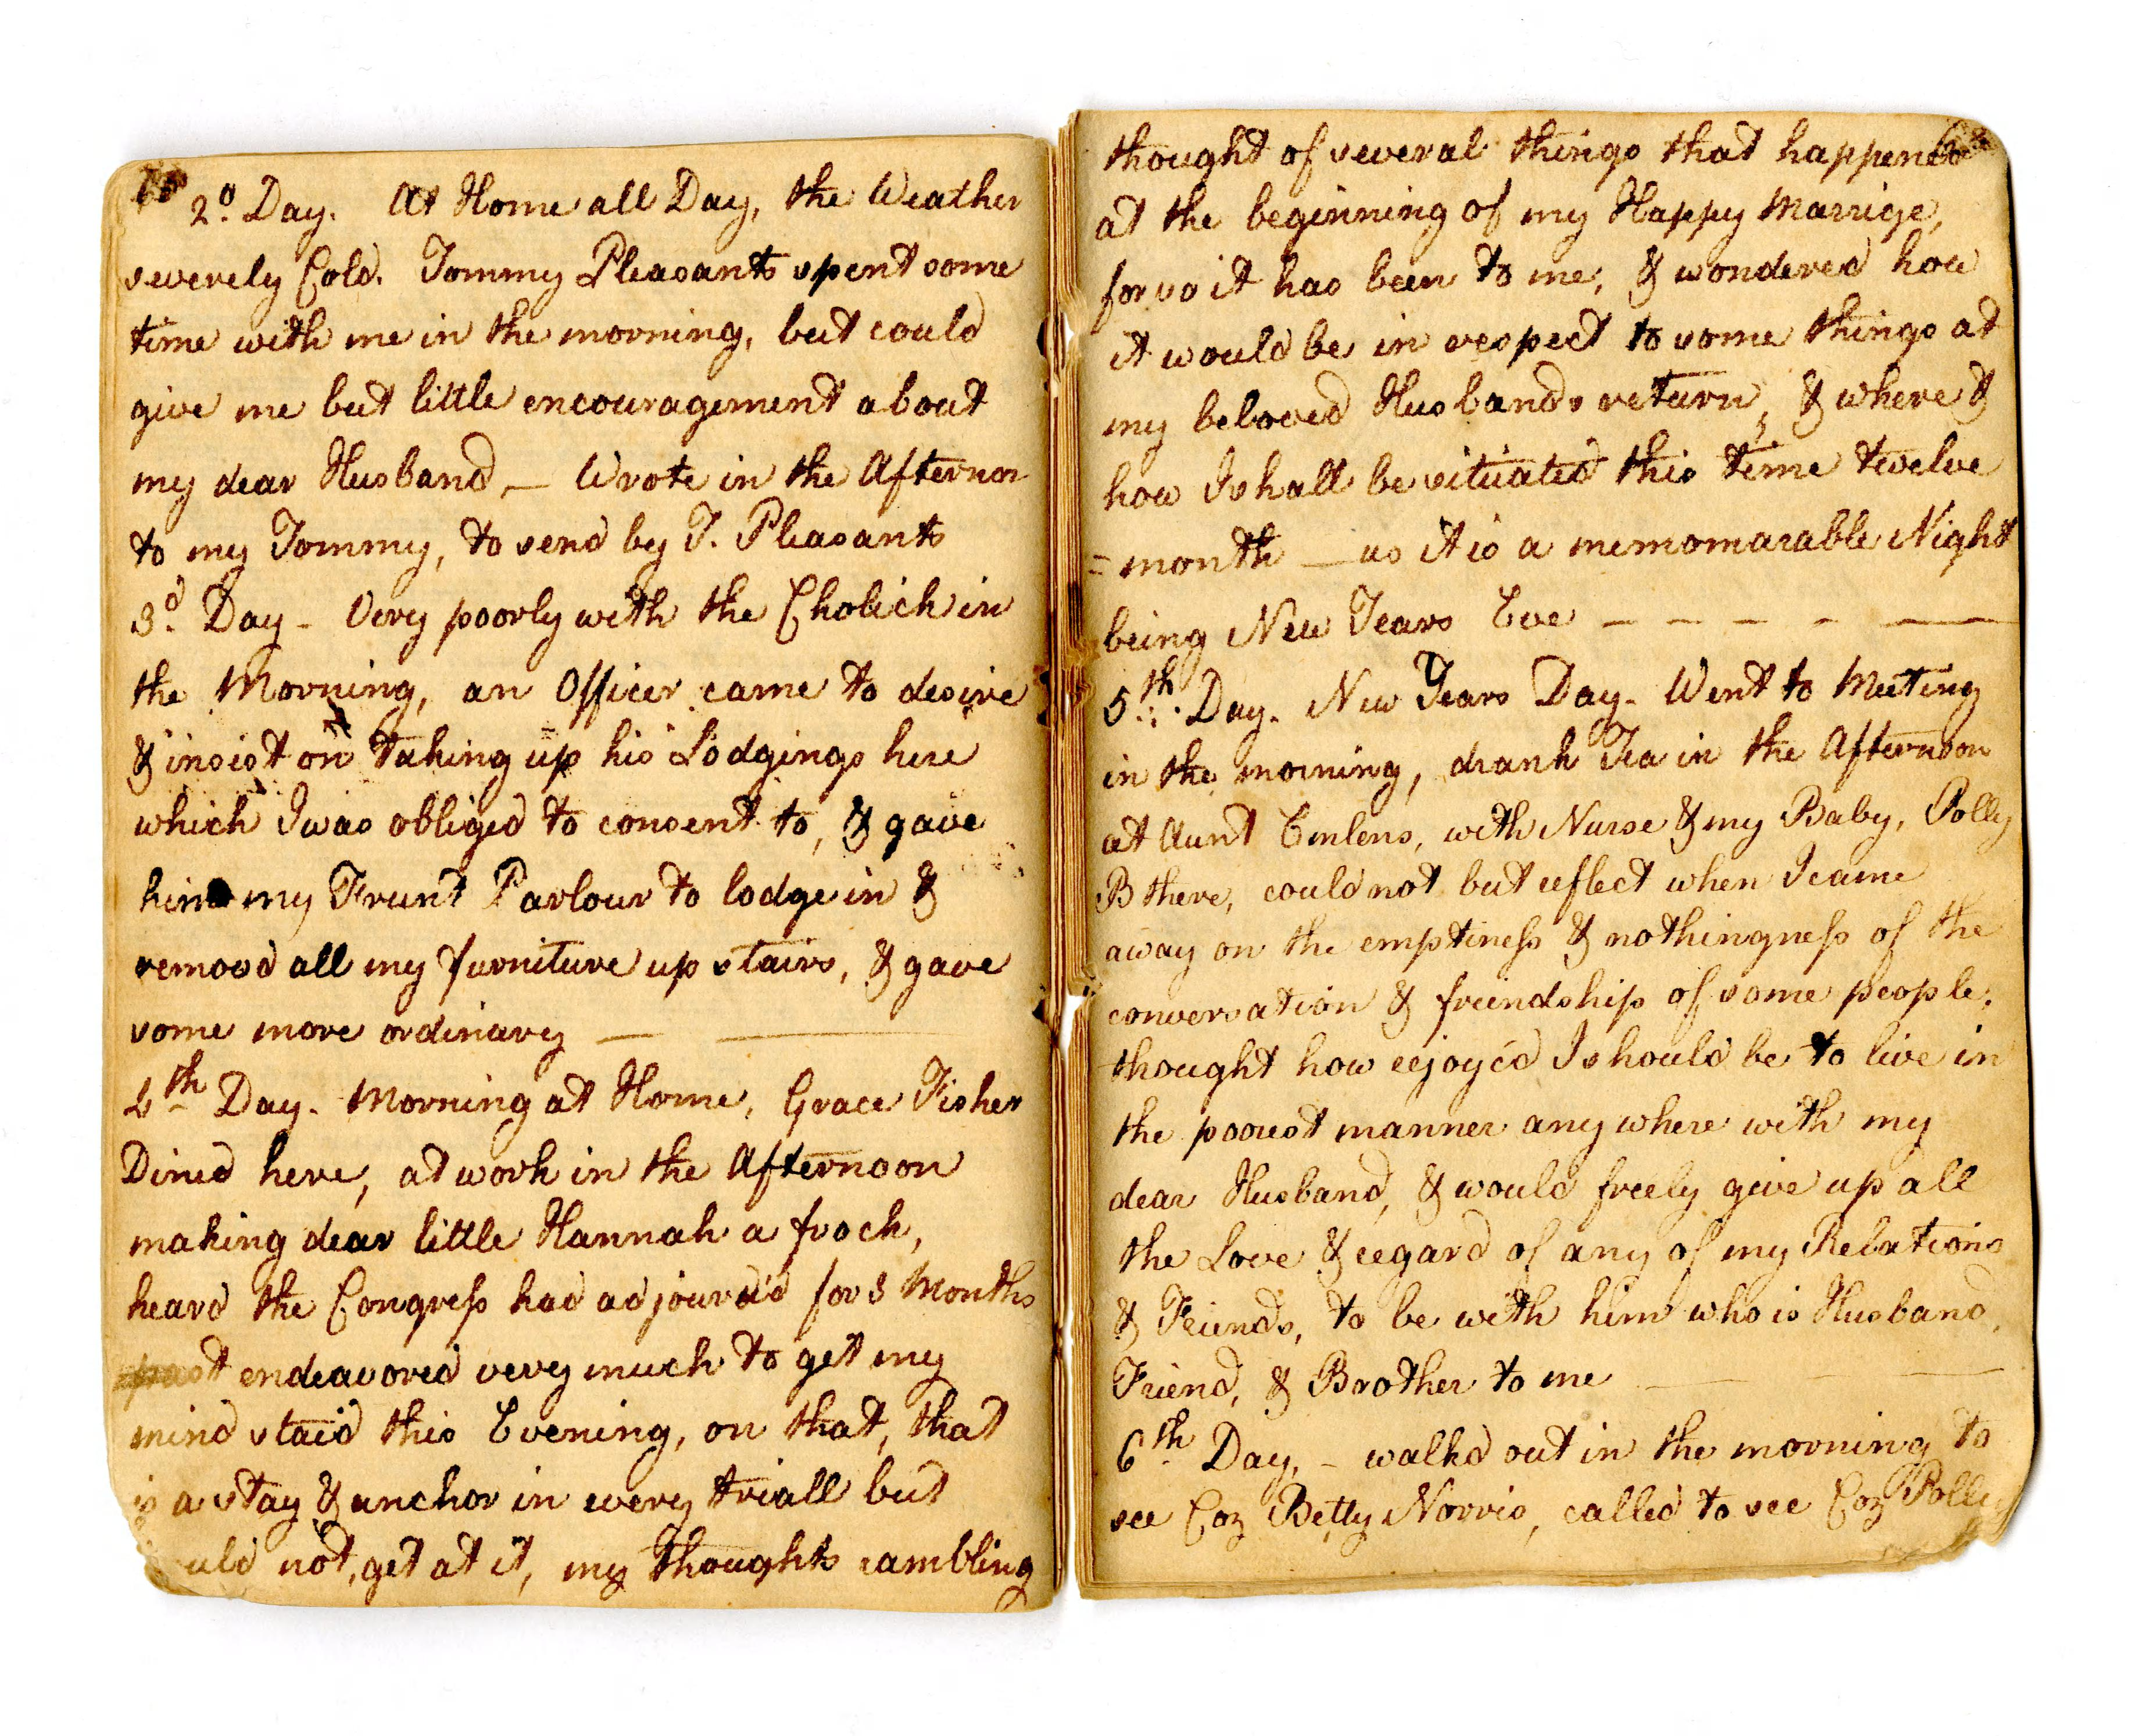60
2^d. Day. At Home all Day, the Weather
severely Cold. Tommy Pleasants spent some
time with me in the morning, but could
give me but little encouragement about
my dear Husband- Wrote in the Afternon
to my Tommy, to send by T. Pleasants
3^d. Day- Very poorly with the Cholick in
the Morning, an Officer came to desire
& insist on taking up his Lodgings here
which I was obliged to consent to & gave
him my Frunt Parlour to lodge in &
removd all my furniture up stairs, & gave
some more ordinary-
4^th Day- Morning at Home, Grace Fisher
Dined here, at work in the Afternoon
making dear little Hannah a frock,
heard the Congress had adjourn'd for 3 Months
past endeavored very much to get my
mind staid this Evening, on that, that
is a stay & anchor in every triall but
uld not, get at it, my thoughts rambling
thought of several things that happened
at the beginning of my Happy Marrige,
for so it has been to me, & wondered how
it would be in respect to some things at
my beloved Husbands return, & where &
how I shall be situated this time twelve
-month- as it is a memomarable Night
being New Years Eve - - - - -
5^th Day- New Years Day- Went to Meeting
in the morning, drank Tea in the Afternoon
at Aunt Emlens, with Nurse & my Baby, Polly
B there, could not but reflect when I came
away on the emptiness & nothingness of the
conversation & friendship of some people,
thought how rejoyc'd I should be to live in
the poorest manner any where with my
dear Husband, & would freely give up all
the Love & regard of any of my Relations
& Friends, to be with him who is Husband,
Friend, & Brother to me-
6^th Day,- walkd out in the morning to
see Coz Betty Norris, called to see Coz Polly